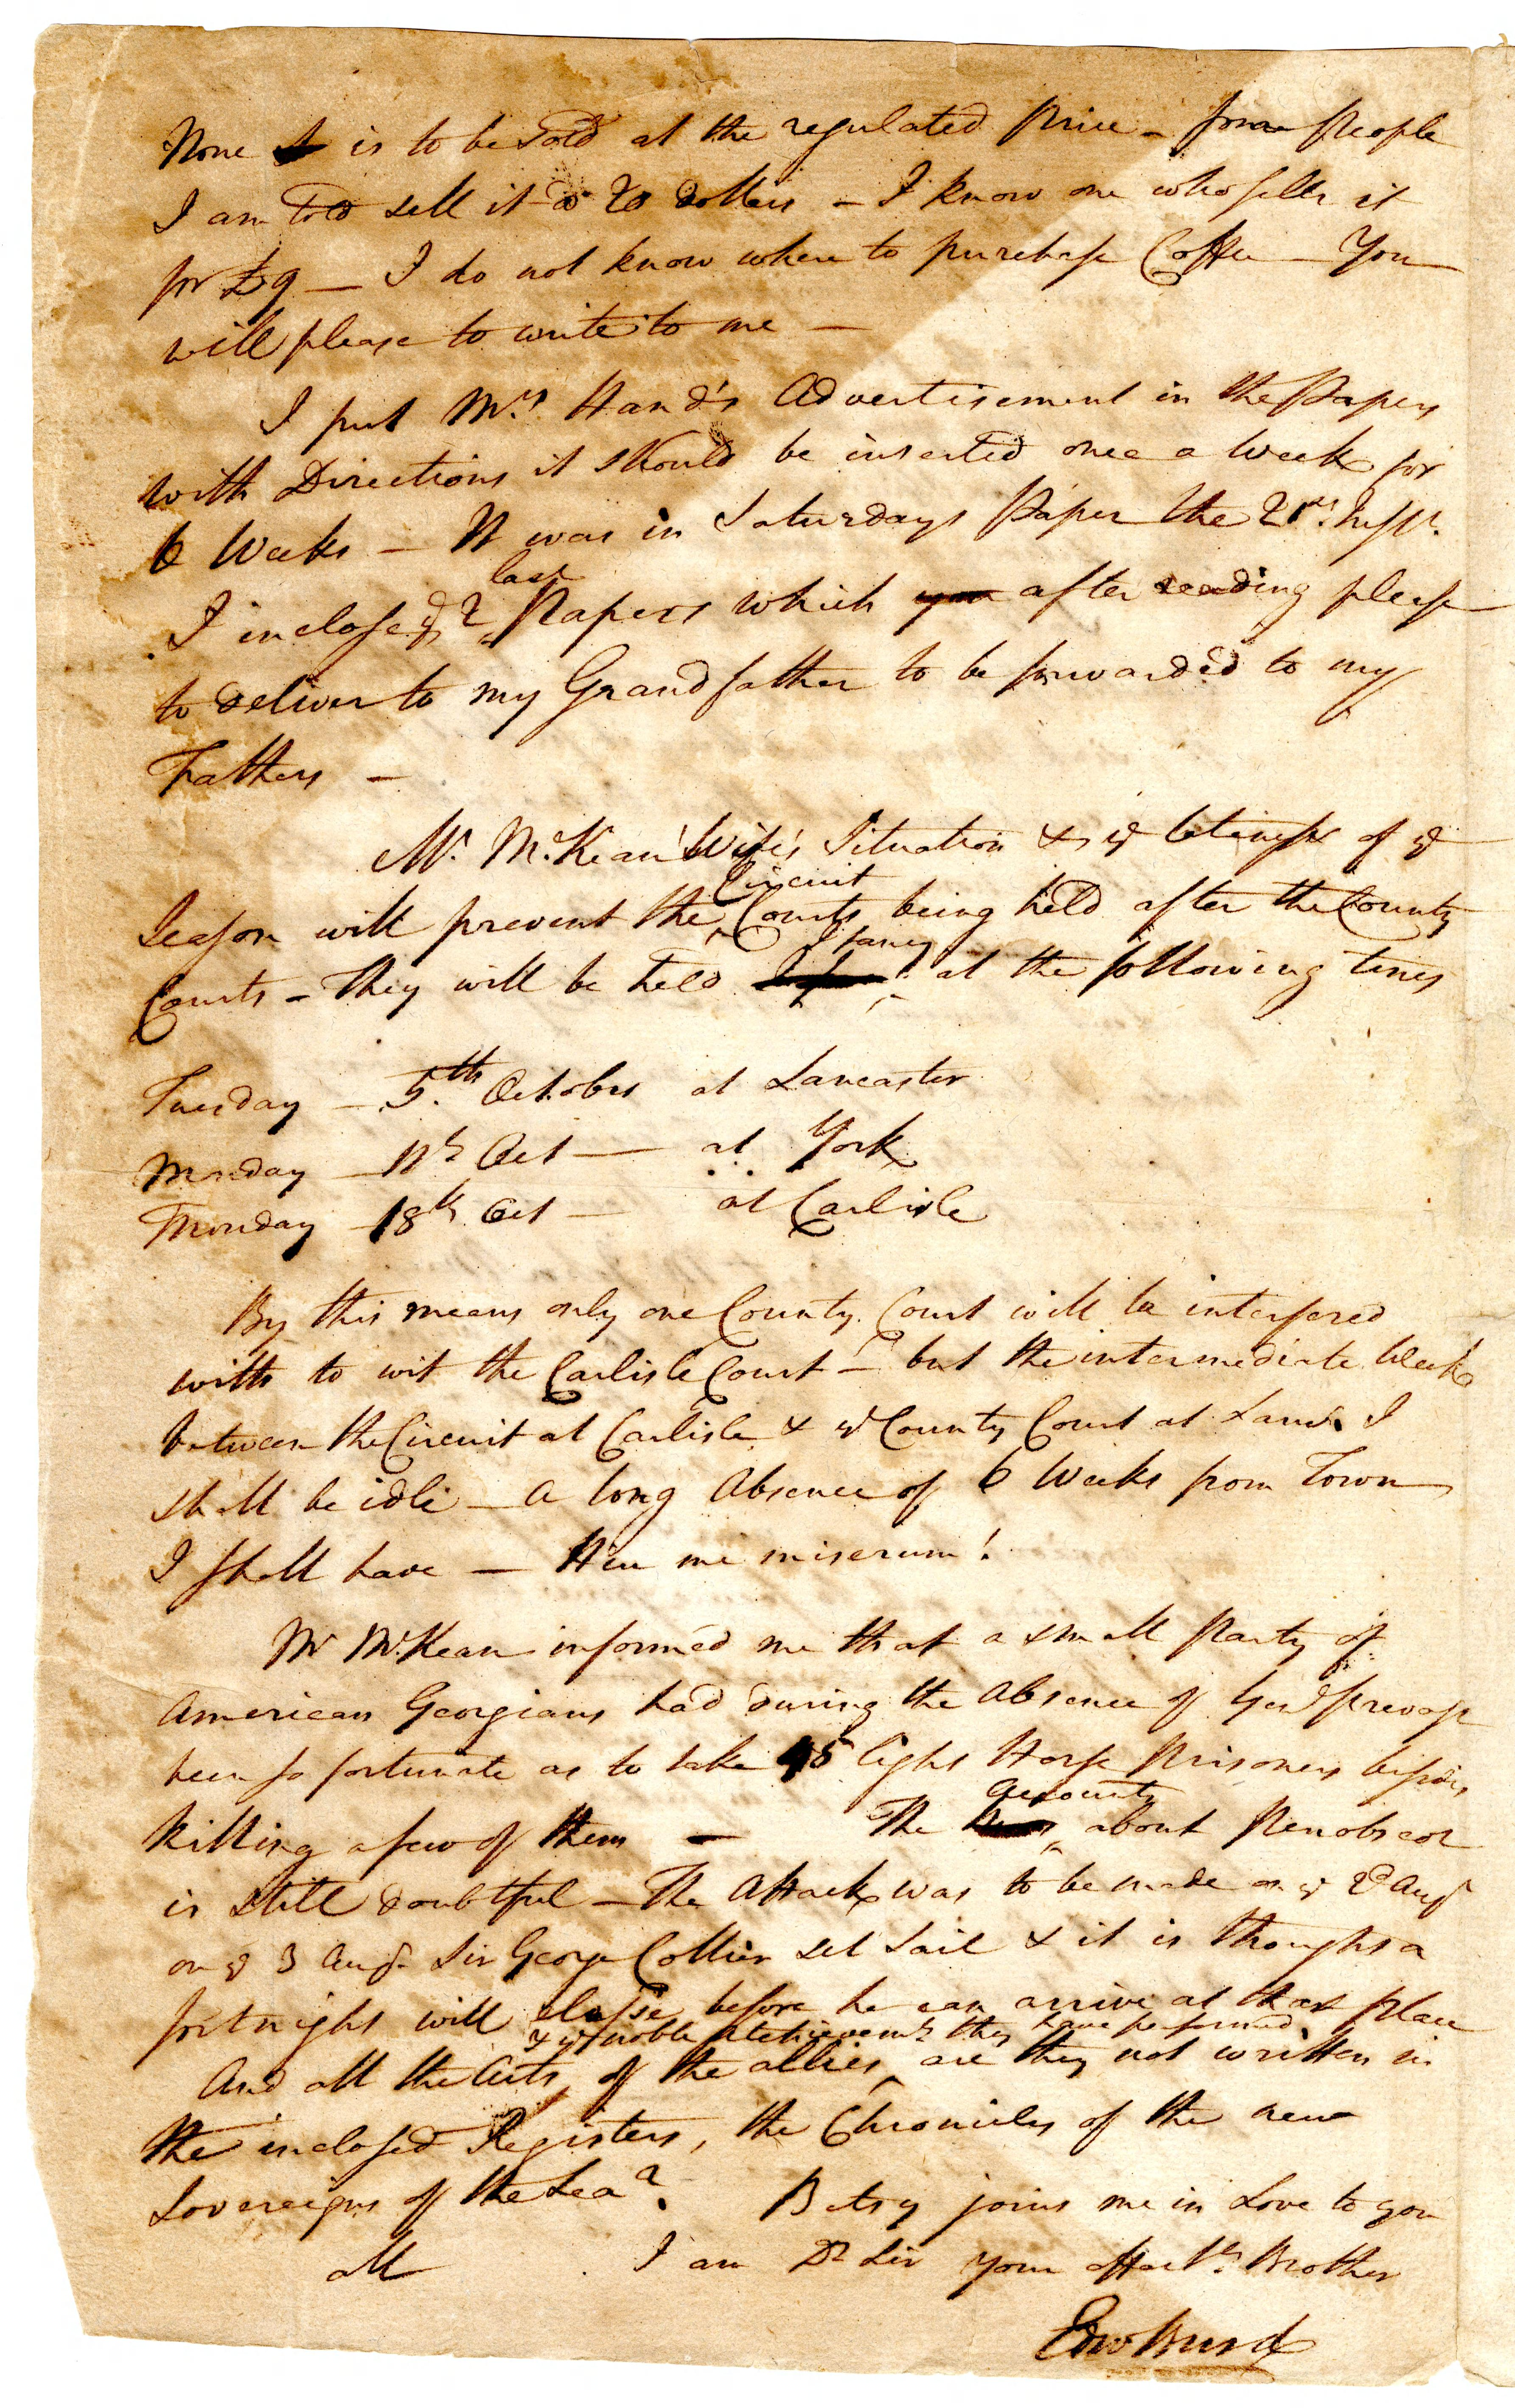None & is to be sold at the regulated price, for a People
I an told sell it per 20 dollars. I know one who sells it
for £9. I do not know where to purchase Coffee. You
will please to write to me.
I put M^r. Hand's Advertisement in the Papers
with Directions it should be inserted once a week for
6 Weeks. I was in Saturdays paper the 21^st. Inst^t.
last
I inclosey y^e 2 ^ Papers which you after reading please
to deliver to my Grandfather to be forwarded to my
Fathers.
M^r. M^cKean's Wife's Situation & y^e leteacsses of y^e
Circuit
Season will prevent the ^ Courts being held after the County
I fancy
Courts. They will be held ^ at the following times
Tuesday. 5^th. October at Lancaster
Monday- 17^th. Oct- at York
Monday- 18^th Oct- at Carlisle
By this means only one County Court will be interfored
with to wit the Carlisle Court, but the intermediate week
between the Circuit at Carlisle, & y^e County Court at Lavel I
shill be idle. A long Absence of 6 Weeks from Town
I shall have. Hic me miserum!
M^r McKean informed me that a small party of
American Georgians had during the Absence of Gen^l Prevoss
been so fortunate as to take 18 light Horse prisoners before
Accounts
killing a few of them. The [__]^ about penobscor
is still doubtful. The Attack was to be made on y^e 2^d Aug^t
or y^e 3 Aug^.t Sir George Collier set sail & it is thought a
fortnight will elapse before he can arrive at the place
& y^e noble atetieceems they
have performed
And all the Acts of the allies ^ are they not written in
the inclosed Registers, the Chronicles of the new
Sovereigns of the Sea?
M
Betsy joins me in Love to you
I am D^r Sir your affect^e. Brother
Edw Burd